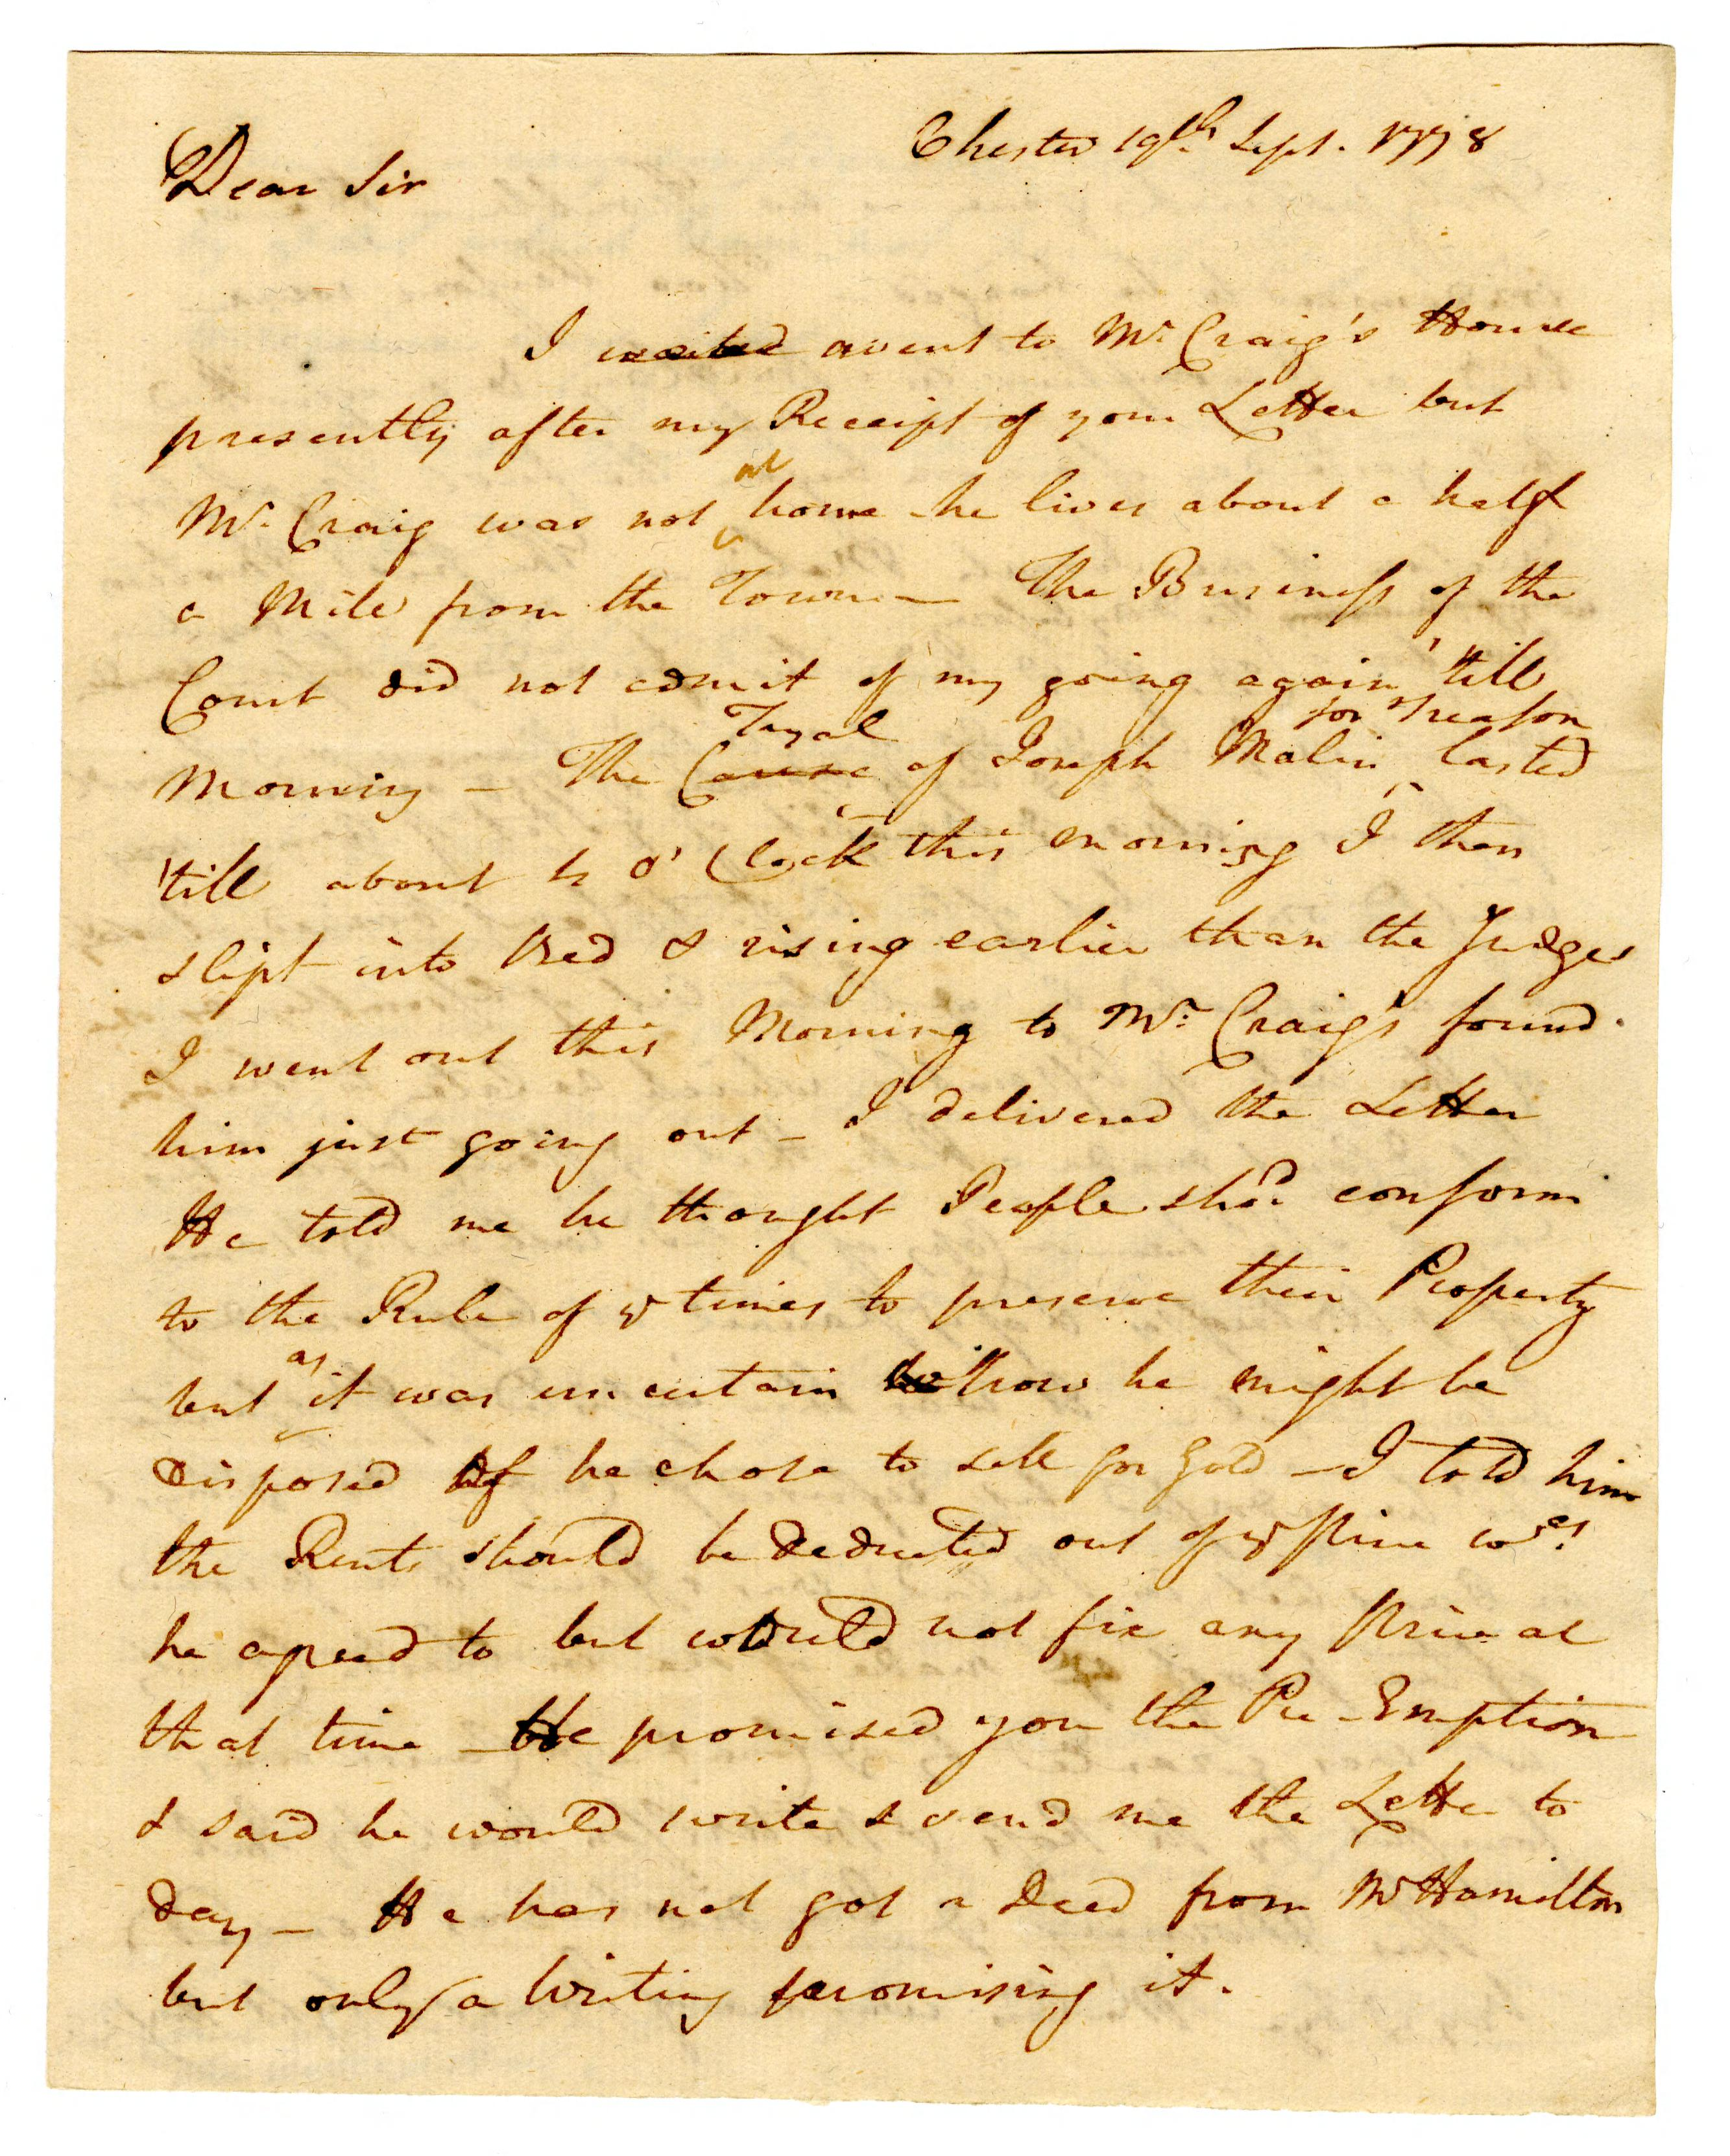Chester 19^t Sept. 1778
Dear Sir
I visited went to M^r. Craig's House
presently after my Receipt of your Letter but
M^r. Ciaig was not home he lives about a half
a Mile from the Town. The Business of the
Court did not comit of my going again till
Tryal
for treason
Morning. The Cause of Joseph Malin ^ lasted
'till about 4 O'Clock this morning I then
slipt into Bed & rising earlier than the Judges
I went out this Morning to M^r. Craig's found
him just going out. I delivered the Letter
He told me he thought People sho^d. conform
to the Rule of y^e times to preserve their Property
as
lest ^ it was uncertain how he might be
disposed if he chose to late for Gold. I told him
the Rent should be deducted out of y^e pine w^ch.
he agreed to but would not fix any prival
that time. He promised you the Pre-Emption
& said he would write & send me the Letter to
-day. He has not got a Deed from M^r Hamilton
but only a Writing promising it.